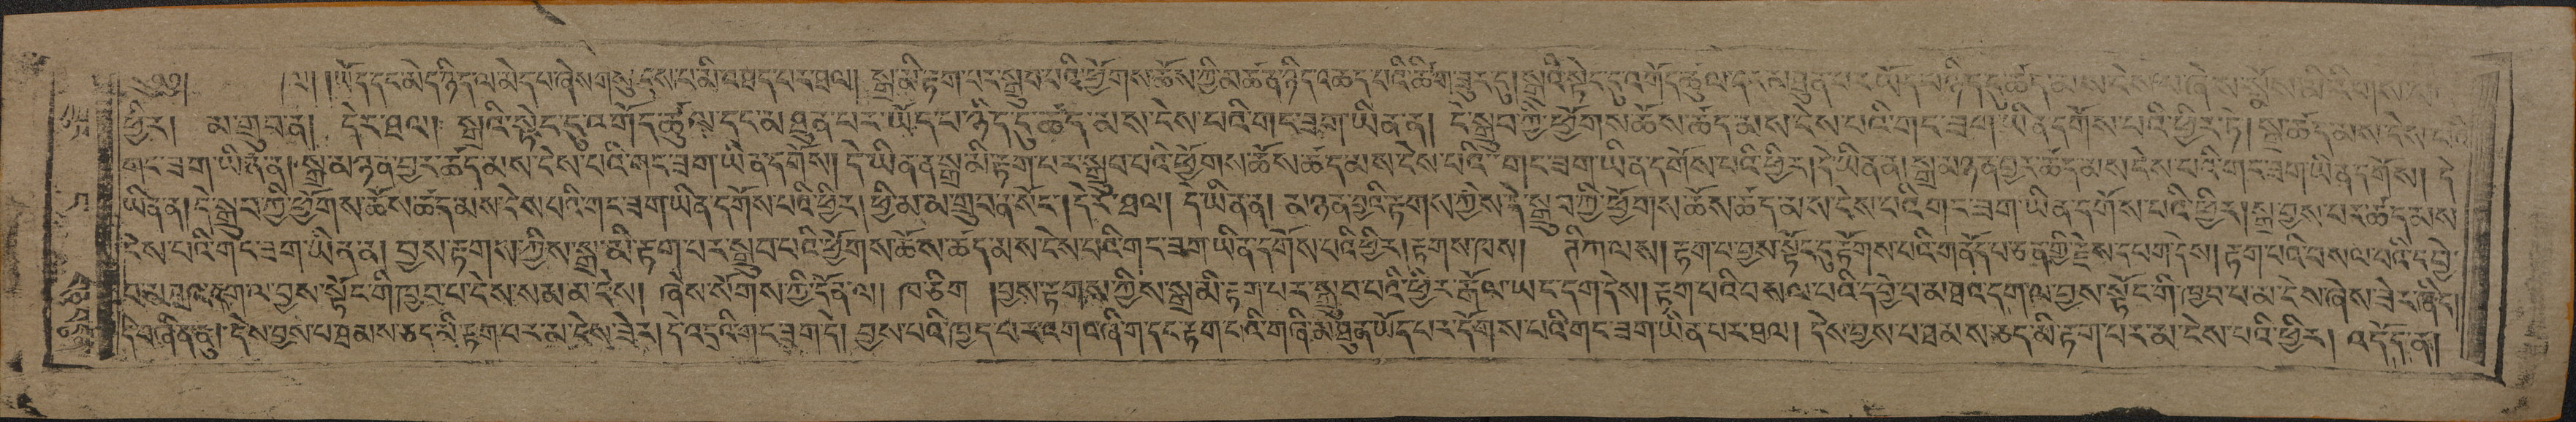༄༅། །ལ། །ཡོད་དང་མེད་ཉིད་ལ་མེད་པ་ཞེས་གསུངས་པ་མི་འཐད་པར་ཐལ། སྒྲ་མི་རྟག་པར་སྒྲུབ་པའི་ཕྱོགས་ཆོས་ཀྱི་མཚན་ཉིད་འཆད་པའི་ཚིག་ཟུར་དུ། སྒྲའི་སྟེང་དུ་འགོད་ཚུལ་དང་མཐུན་པར་ཡོད་པ་ཉིད་དུ་ཚད་མས་ངེས་པ་ཞེས་སྨོས་མི་རིགས་པའི་
ཕྱིར། མ་གྲུབ་ན། དེར་ཐལ། སྒྲའི་སྟེང་དུ་འགོད་ཚུལ་དང་མཐུན་པར་ཡོད་པ་ཉིད་དུ་ཚད་མས་ངེས་པའི་གང་ཟག་ཡིན་ན། དེ་སྒྲུབ་ཀྱི་ཕྱོགས་ཆོས་ཚད་མས་ངེས་པའི་གང་ཟག་ཡིན་དགོས་པའི་ཕྱིར་ཏེ། སྒྲ་ཚད་མས་ངེས་པའི་
གང་ཟག་ཡིན་ན། སྒྲ་མཉན་བྱར་ཚད་མས་ངེས་པའི་གང་ཟག་ཡིན་དགོས། དེ་ཡིན་ན་སྒྲ་མི་རྟག་པར་སྒྲུབ་པའི་ཕྱོགས་ཆོས་ཚད་མས་ངེས་པའི་གང་ཟག་ཡིན་དགོས་པའི་ཕྱིར། དེ་ཡིན་ན། སྒྲ་མཉན་བྱར་ཚད་མས་ངེས་པའི་གང་ཟག་ཡིན་དགོས། དེ་
ཡིན་ན། དེ་སྒྲུབ་ཀྱི་ཕྱོགས་ཆོས་ཚད་མས་ངེས་པའི་གང་ཟག་ཡིན་དགོས་པའི་ཕྱིར། ཕྱི་མ་མ་གྲུབ་ན་སོང་། དེར་ཐལ། དེ་ཡིན་ན། མཉན་བྱའི་རྟགས་ཀྱིས་དེ་སྒྲུབ་ཀྱི་ཕྱོགས་ཆོས་ཚད་མས་ངེས་པའི་གང་ཟག་ཡིན་དགོས་པའི་ཕྱིར། སྒྲ་བྱས་པར་ཚད་མས་
ངེས་པའི་གང་ཟག་ཡིན་ན། བྱས་རྟགས་ཀྱིས་སྒྲ་མི་རྟག་པར་སྒྲུབ་པའི་ཕྱོགས་ཆོས་ཚད་མས་ངེས་པའི་གང་ཟག་ཡིན་དགོས་པའི་ཕྱིར། རྟགས་ཁས། ཊིཀ་ལས། རྟག་པ་བྱས་སྟོང་དུ་རྟོགས་པའི་གནོད་པ་ཅན་གྱི་རྗེས་དཔག་དེས། རྟག་པའི་བསལ་བའི་དབྱེ་
བ་མཐའ་དག་ལ་བྱས་སྟོང་གི་ཁྱབ་པ་ངེས་སམ་མ་ངེས། ཞེས་སོགས་ཀྱི་དོན་ལ། ཁ་ཅིག །བྱས་རྟགས་ཀྱིས་སྒྲ་མི་རྟག་པར་སྒྲུབ་པའི་ཕྱིར་རྒོལ་ཡང་དག་དེས། རྟག་པའི་བསལ་བའི་དབྱེ་བ་མཐའ་དག་ལ་བྱས་སྟོང་གི་ཁྱབ་པ་མ་ངེས་ཞེས་ཟེར་ཞིང་།
དེ་བཞིན་ནུ། དེས་བྱས་པ་ཐམས་ཅད་མི་རྟག་པར་མ་ངེས་ཟེར། དེ་འདྲའི་གང་ཟག་དེ། བྱས་པའི་ཁྱད་པར་འགའ་ཞིག་དང་རྟག་པའི་གཞི་མཐུན་ཡོད་པར་དོགས་པའི་གང་ཟག་ཡིན་པར་ཐལ། དེས་བྱས་པ་ཐམས་ཅད་མི་རྟག་པར་མ་ངེས་པའི་ཕྱིར། འདོད་ན།